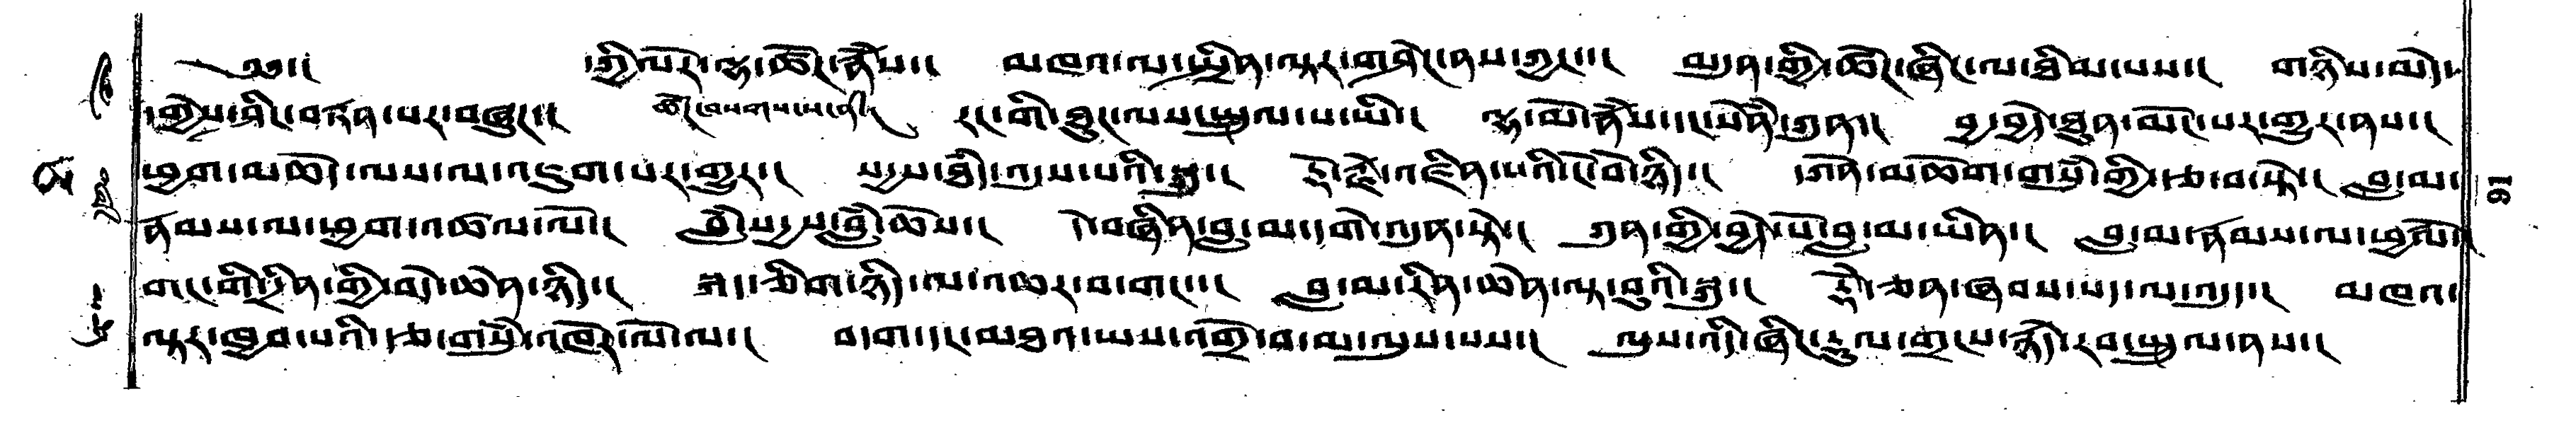དཀྱིལ་འཁོར་ལྷ་ཚོགས་རྣམས། །མཁའ་ལ་སྤྲིན་ལྟར་གཤེགས་ནས་ཀྱང་། །མདུན་གྱི་ཚོགས་ཞིང་ལ་ཐིམ་པས། །གཉིས་མེད་
དགྱེས་ཤིང་བརྟན་པར་བཞུགས། ། ཚོགས་བསོག་པ་ནི། རང་གི་ཐུགས་ལས་སྤྲུལ་པ་ཡི། །ལྷ་མོ་རྣམས་དང་སེམས་ཅན་ཀུན། །བྱ་བྱེད་ཐུན་མོང་པར་གྱུར་ནས། །
ཕྱག་མཆོད་ལས་ལ་འཇུག་པར་གྱུར། །སངས་རྒྱས་ཐམས་ཅད་འདུས་པའི་སྐུ། །རྡོ་རྗེ་འཛིན་པའི་ངོ་བོ་ཉིད། །དཀོན་མཆོག་གསུམ་གྱི་རྩ་བ་སྟེ། །བླ་མ་
རྣམས་ལ་ཕྱག་འཚལ་ལོ། །བླ་མ་སངས་རྒྱས་བླ་མ་ཆོས། །དེ་བཞིན་བླ་མ་དགེ་འདུན་སྟེ། །ཀུན་གྱི་བྱེད་པོ་བླ་མ་ཡིན། །བླ་མ་རྣམས་ལ་ཕྱག་འཚལ་ལོ། །
གང་གི་དྲིན་གྱིས་བདེ་ཆེན་ཉིད། །སྐད་ཅིག་ཉིད་ལ་འཆར་བ་གང་། །བླ་མ་རིན་ཆེན་ལྟ་བུའི་སྐུ། །རྡོ་རྗེ་ཅན་ཞབས་པད་ལ་འདུད། །མཁའ་
ལྟར་ཁྱབ་པའི་རྩ་གསུམ་འཁོར་ལོ་ལ། །བདག་དང་མཐའ་ཡས་འགྲོ་བ་མ་ལུས་པས།ལུས་འདི་ཞིང་རྡུལ་གྲངས་རྙེད་རབ་སྤྲུལ་ནས།